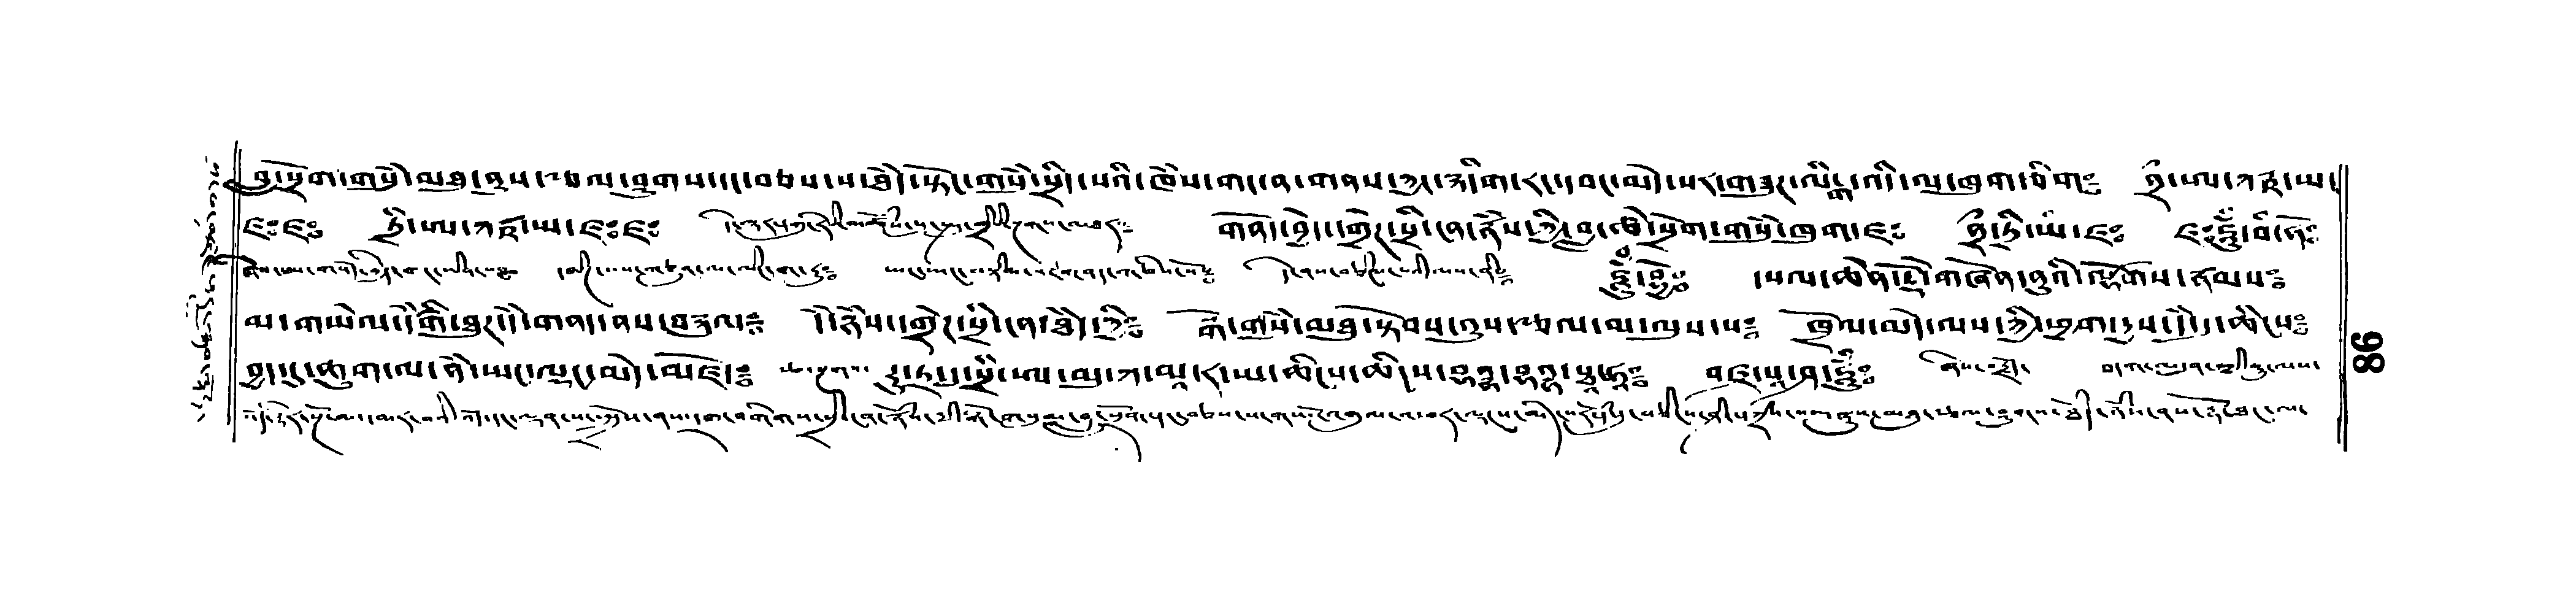བླ་སྲོག་གསུམ་མཐུ་ནུས་རྩལ་ཤུགས་དང་བཅས་པ་ཐམས་ཅད་སྟོང་གསུམ་སྲིད་པའི་ཁམས་གང་ན་གནས་ཀྱང་སྐད་ཅིག་རང་དབང་མེད་པར་གཟུགས་ལིངྒ་འདི་ལ་ཁུག་ཅིག༔ ནྲི་ཨ་ཀརྵ་ཡ་
ཛཿཛཿ ཏྲི་ཨ་ཀརྵ་ཡ་ཛཿཛཿ དེ་ལྟར་དགུ་རེའི་མཚམས་སུ་སྤུ་གྲིའི་སྔགས་མཐར༔ གནོད་བྱེད་དགྲ་བགེགས་སྲི་ངན་རྣམས་ཀྱི་བླ་ཚེ་སྲོག་གསུམ་ཁུག་ཛཿ ནྲྀ་ཏྲི་ཡཾ་ཛཿ ཛཿཧཱུྃ་བྃ་ཧོཿ 
ཞེས་པས་གནོད་བྱེད་གང་ཡིན་པ༔ དམིགས་པས་གཅུན་ལ་ལིང་ག་རུ༔ ཡང་ཡང་བསྟིམ་པ་གནད་གཅེས་སོ༔ དེ་ནས་བཅིང་པའི་ལས་ནི༔ ཧཱུྃ་བྷྱོ༔ དཔལ་ཆེན་རྡོ་རྗེ་གཞོན་ནུའི་ལྷ་ཚོགས་རྣམས༔ 
མ་གཡེལ་དམ་ཚིག་ཐུགས་དམ་གནད་ནས་བསྐུལ༔ དམ་ཉམས་དགྲ་བགེགས་སྲི་ངན་ཐམས་ཅད་ཀྱི༔ སྒོ་གསུམ་མཐུ་སྟོབས་ནུས་རྩལ་མ་ལུས་པ༔ ཁྲོལ་མེད་ལས་ཀྱི་ཕྱག་རྒྱས་དམ་དུ་ཆིངས༔ 
བྱད་དུ་ཆུག་ལ་ནམ་ཡང་ལྡང་མེད་མཛོད༔ རྩ་སྔགས༔ རུ་ཏྲ་དུ་སྲི་ཨ་མུ་ཀ་མཱ་ར་ཡ་ཆིངས་ཆིངས་བྷནྡྷ་བྷནྡྷ་སྭཱ་ཧཱཿ བཛྲ་པཱ་ཤ་ཧཱུྃ༔ ཞེས་བརྗོད། བདག་མདུན་གྱི་སྐུ་ལས་
འོད་ཟེར་སྔོ་ལ་དམར་བའི་འོད་དང་ལྡན་པ་སྤྲོས་ནས་དགྲ་བགེགས་སྲི་ངན་རྣམས་ཀྱི་སྒོ་གསུམ་བླ་སྲོག་དང་བཅས་པ་གཡོ་འགུལ་འཕར་ལྡང་མེད་པར་དམ་དུ་བཅིངས་ཤིང་དཀྲིས་བས་ནུས་མཐུ་རྩལ་ཤུགས་ཐམས་ཅད་ཉམས་ནས་རྡོ་ཐང་ལ་